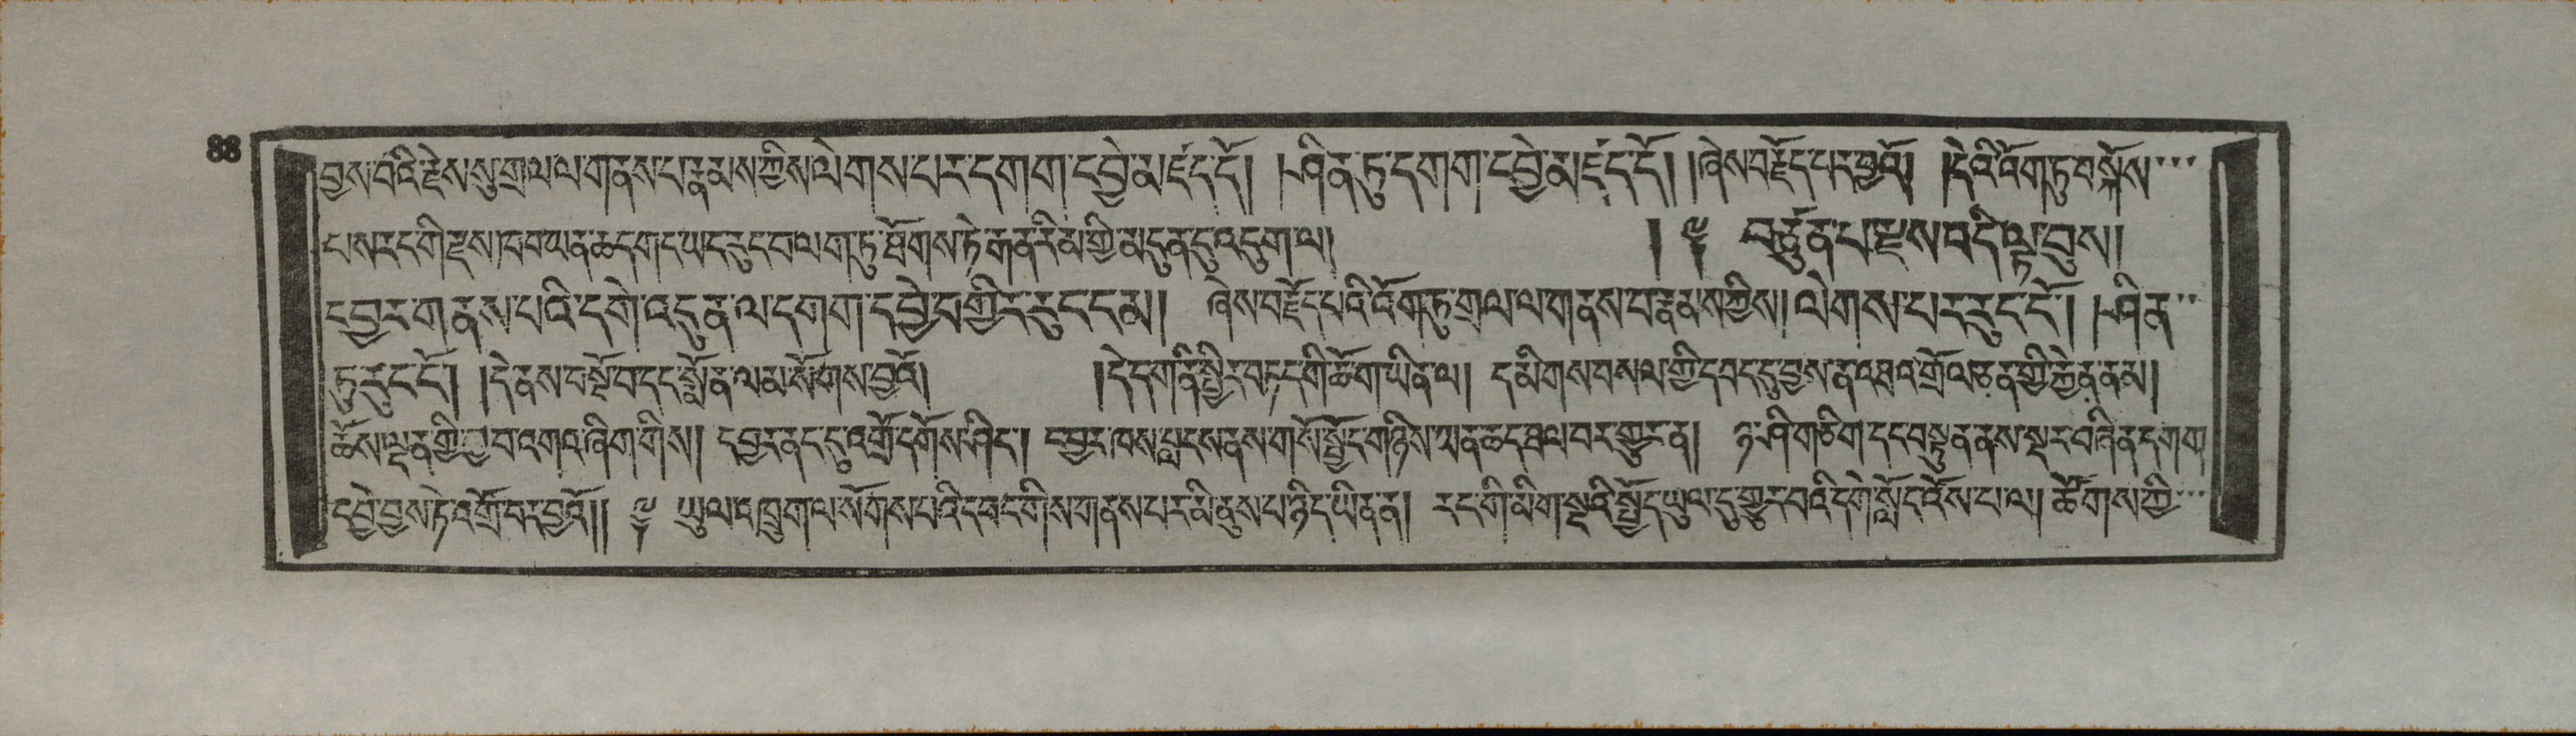བྱས་པའི་རྗེས་སུ་གྲལ་ལ་གནས་པ་རྣམས་ཀྱིས་ལེགས་པར་དགག་དབྱེ་མཛད་དོ། །ཤིན་ཏུ་དགག་དབྱེ་མཛད་དོ། །ཞེས་བརྗོད་པར་བྱའོ། །དེའི་འོག་ཏུ་བསྐོས་
པས་རང་གི་རྫས་ཁབ་ཡན་ཆད་གང་ཡང་རུང་བ་ལག་ཏུ་ཐོགས་ཏེ་རྒན་རིམ་གྱི་མདུན་དུ་འདུག་ལ། ། ༈ བཙུན་པ་རྫས་འདི་ལྟ་བུས།
དབྱར་གནས་པའི་དགེ་འདུན་ལ་དགག་དབྱེ་བགྱིར་རུང་ངམ། ཞེས་བརྗོད་པའི་འོག་ཏུ་གྲལ་ལ་གནས་པ་རྣམས་ཀྱིས།  ལེགས་པར་རུང་ངོ། །ཤིན་
ཏུ་རུང་ངོ། །དེ་ནས་བསྔོ་བ་དང་སྨོན་ལམ་སོགས་བྱའོ། །དེ་དག་ནི་སྤྱིར་བཏད་གི་ཆོ་ག་ཡིན་ལ། དམིགས་བསལ་གྱི་དབང་དུ་བྱས་ན་འཐའ་གྲོལ་ཅན་གྱི་རྐྱེན་ནམ།
ཆོས་ལྡན་གྱི་བྱ་བ་འགའ་ཞིག་གིས། དབྱར་ནང་དུ་འགྲོ་དགོས་ཤིང་། དབྱར་ཁས་བླངས་ནས་གསོ་སྦྱོང་གཉིས་ཡན་ཆད་ཐལ་བར་གྱུར་ན། ཉ་ཤི་གཅིག་དང་བསྟུན་ནས་སྔར་བཞིན་དགག་
དབྱེ་བྱས་ཏེ་འགྲོ་བར་བྱའོ། ། ༈ ཡུལ་འཁྲུག་ལ་སོགས་པའི་དབང་གིས་གནས་པར་མི་ནུས་པ་ཉིད་ཡིན་ན། རང་གི་མིག་སྔའི་སྤྱོད་ཡུལ་དུ་གྱུར་བའི་དགེ་སློང་འོས་པ་ལ། ཚོགས་ཀྱི་